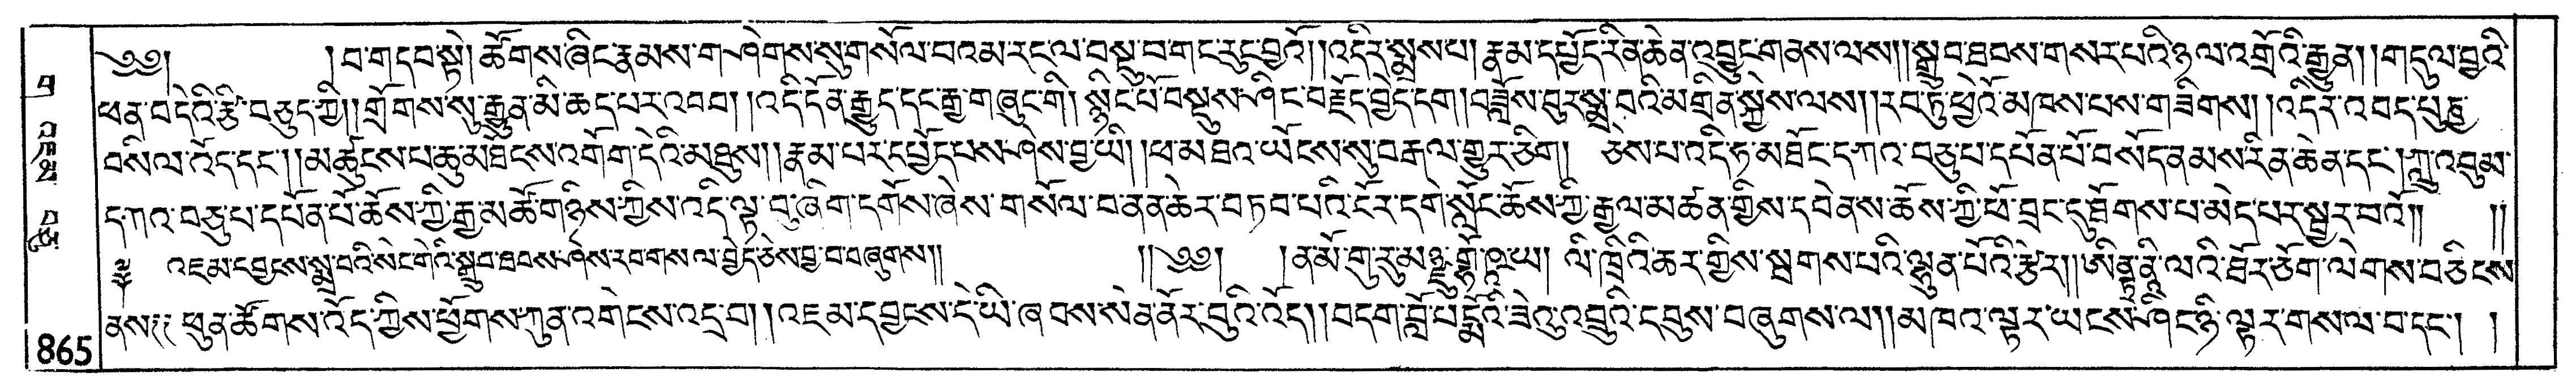༄༅། །བ་གདབ་སྟེ། ཚོགས་ཞིང་རྣམས་གཤེགས་སུ་གསོལ་བའམ་རང་ལ་བསྡུ་བ་གང་རུང་བྱའོ། །འདིར་སྨྲས་པ། རྣམ་དཔྱོད་རིན་ཆེན་འབྱུང་གནས་ལས། །སྒྲུབ་ཐབས་གསར་པའི་ཉལ་འགྲོའི་རྒྱུན། །གདུལ་བྱའི་
ཕན་བདེའི་རྩི་བཅུད་ཀྱི། །གྲོགས་སུ་རྒྱུན་མི་ཆད་པར་འབབ། །འདི་དོན་རྒྱུད་དང་རྒྱ་གཞུང་གི །སྙིང་པོ་བསྡུས་ཤིང་བརྗོད་བྱེད་དག །བཟློས་བུར་སྨྲ་བའི་མགྲིན་སྐྱེས་ལས། །རབ་ཏུ་ཕྱེའོ་མཁས་པས་གཟིགས། །འདིར་འབད་པུཎྱ་
བསིལ་འོད་དང་། །མཚུངས་པ་ཆུ་མཐོངས་འགོག་དེའི་མཐུས། །རྣམ་པར་དཔྱོད་པས་ཤེས་བྱ་ཡི། །ཕ་མཐའ་ཡོངས་སུ་བརྒལ་གྱུར་ཅིག །ཅེས་པ་འདི་ཧ་མཐོང་དཀའ་བཅུ་པ་དཔོན་པོ་བསོད་ནམས་རིན་ཆེན་དང་། ཀླུ་འབུམ་
དཀའ་བཅུ་པ་དཔོན་པོ་ཆོས་ཀྱི་རྒྱ་མཚོ་གཉིས་ཀྱིས་འདི་ལྟ་བུ་ཞིག་དགོས་ཞེས་གསོལ་བ་ནན་ཆེར་བཏབ་པའི་ངོར་དགེ་སློང་ཆོས་ཀྱི་རྒྱལ་མཚན་གྱིས་དབེན་ས་ཆོས་ཀྱི་ཕོ་བྲང་དུ་ཐོགས་པ་མེད་པར་སྦྱར་བའོ།། །།
༈ འཇམ་དབྱངས་སྨྲ་བའི་སེང་གེའི་སྒྲུབ་ཐབས་ཤེས་རབ་གསལ་བྱེད་ཅེས་བྱ་བ་བཞུགས།།  །། ༄༅། །ན་མོ་གུ་རུ་མཉྫུ་གྷོ་ཥཱ་ཡ། ལི་ཁྲིའི་ཆར་གྱིས་སྤགས་པའི་ལྷུན་པོའི་རྩེར། །ཨིནྟྲ་ནཱི་ལའི་ཐོར་ཅོག་ལེགས་བཅིངས་
ནས༑ ༑ཕུན་ཚོགས་འོད་ཀྱིས་ཕྱོགས་ཀུན་འགེངས་འདྲ་བ། །འཇམ་དབྱངས་དེ་ཡི་ཞབས་སེན་ནོར་བུའི་འོད། །བདག་བློ་པདམོའི་ཟེའུ་འབྲུའི་དབུས་བཞུགས་ལ། །མཁའ་ལྟར་ཡངས་ཤིང་ཉི་ལྟར་གསལ་བ་དང་། །